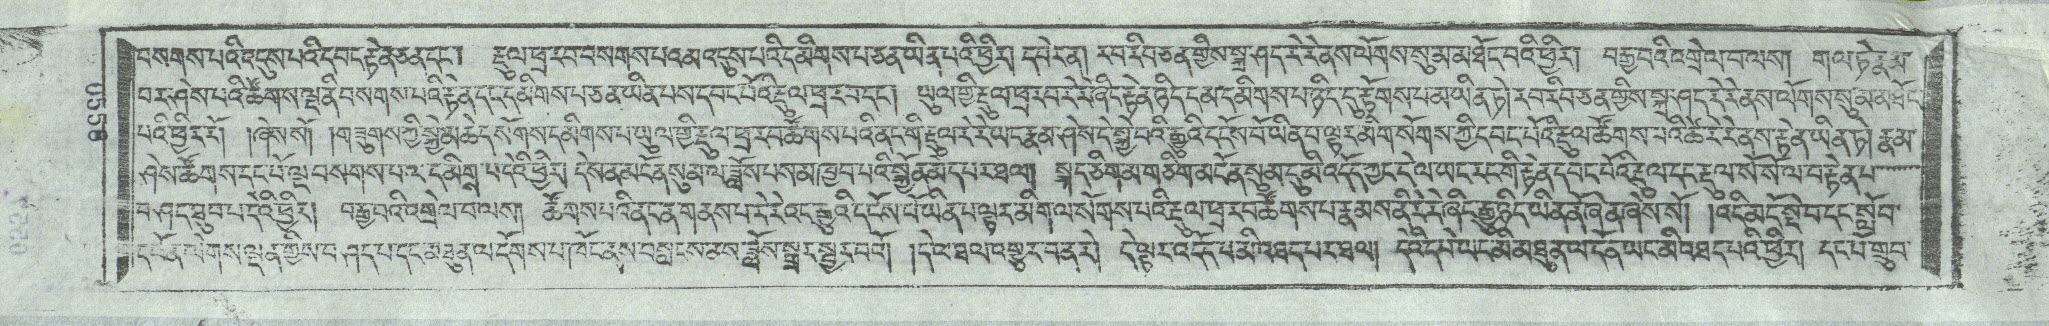བསགས་པའི་འདུས་པའི་དབང་རྟེན་ཅན་དང་། རྡུལ་ཕྲ་རབ་བསགས་པའམ་འདུས་པའི་དམིགས་པ་ཅན་ཡིན་པའི་ཕྱིར། དཔེར་ན། རབ་རིབ་ཅན་གྱིས་སྒྲ་ཤད་རེ་རེ་ནས་ལོགས་སུ་མ་མཐོང་བའི་ཕྱིར། བརྒྱ་བའི་འགྲེལ་བ་ལས། གལ་ཏེ་རྣམ་
པར་ཤེས་པའི་ཚོགས་ལྔ་ནི་བསགས་པའི་རྟེན་དང་དམིགས་པ་ཅན་ཡིན་པས་དབང་པོའི་རྡུལ་ཕྲ་རབ་དང་། ཡུལ་གྱི་རྡུལ་ཕྲ་རབ་རེ་རེ་ཞིང་རྟེན་ཉིད་དམ་དམིགས་པ་ཉིད་དུ་རྟོགས་པ་མ་ཡིན་ཏེ། རབ་རིབ་ཅན་གྱིས་སྐྲ་ཤད་རེ་རེ་ནས་ལོགས་སུ་མ་མཐོང་
པའི་ཕྱིར་རོ། །ཞེས་སོ། །གཟུགས་ཀྱི་སྐྱེ་མཆེད་སོགས་དམིགས་པ་ཡུལ་གྱི་རྡུལ་ཕྲ་རབ་ཚོགས་པའི་ནང་གི་རྡུལ་རེ་རེ་ཡང་རྣམ་ཤེས་དེ་སྐྱེ་བའི་རྒྱུའི་དངོས་པོ་ཡིན་པ་ལྟར་མིག་སོགས་ཀྱི་དབང་པོའི་རྡུལ་ཚོགས་པའི་ཚེ་རེ་རེ་ནས་རྟེན་ཡིན་ཏེ། རྣམ་
ཤེས་ཚོགས་དང་པོ་ལྔ་བསགས་པ་ལ་དམིགས་པ་དེའི་ཕྱིར། དེས་ན་མངོན་སུམ་ལ་ཟློས་པས་མ་ཁྱབ་པའི་སྐྱོན་མེད་པར་ཐལ། སྐད་ཅིག་མ་གཅིག་མངོན་སུམ་དུ་མི་འདོད་ཀྱང་དེ་ལ་ཡང་རང་གི་རྟེན་དབང་པོའི་རྡུལ་དང་རྡུལ་སོ་སོ་ལ་བརྟེན་པ་
བཤད་ཐུབ་པ་དེའི་ཕྱིར། བརྒྱ་བའི་འགྲེལ་བ་ལས། ཚོགས་པའི་ནང་ན་གནས་པ་རེ་རེའང་རྒྱུའི་དངོས་པོ་ཡིན་པ་ལྟར་མིག་ལ་སོགས་པའི་རྡུལ་ཕྲ་རབ་ཚོགས་པ་རྣམས་ནི་རེ་རེ་ཞིང་རྒྱུ་ཉིད་ཡིན་ནོ་ཞེ་ན་ཞེས་སོ། །འདི་མདོ་སྡེ་པ་དང་སློབ་
དཔོན་ལེགས་ལྡན་གྱིས་བཤད་པ་དང་མཐུན་ལ་དོགས་པ་ཁོང་ནས་བསླངས་ནས་ཟློས་སྒྲར་སྦྱར་བའོ། །དེ་ལ་ཐལ་འགྱུར་བ་ན་རེ། དེ་ལྟར་འདོད་པ་མི་འཐད་པར་ཐལ། དེའི་དཔེ་ཡང་མི་མཐུན་ལ་དོན་ཡང་མི་འཐད་པའི་ཕྱིར། དང་པོ་གྲུབ་